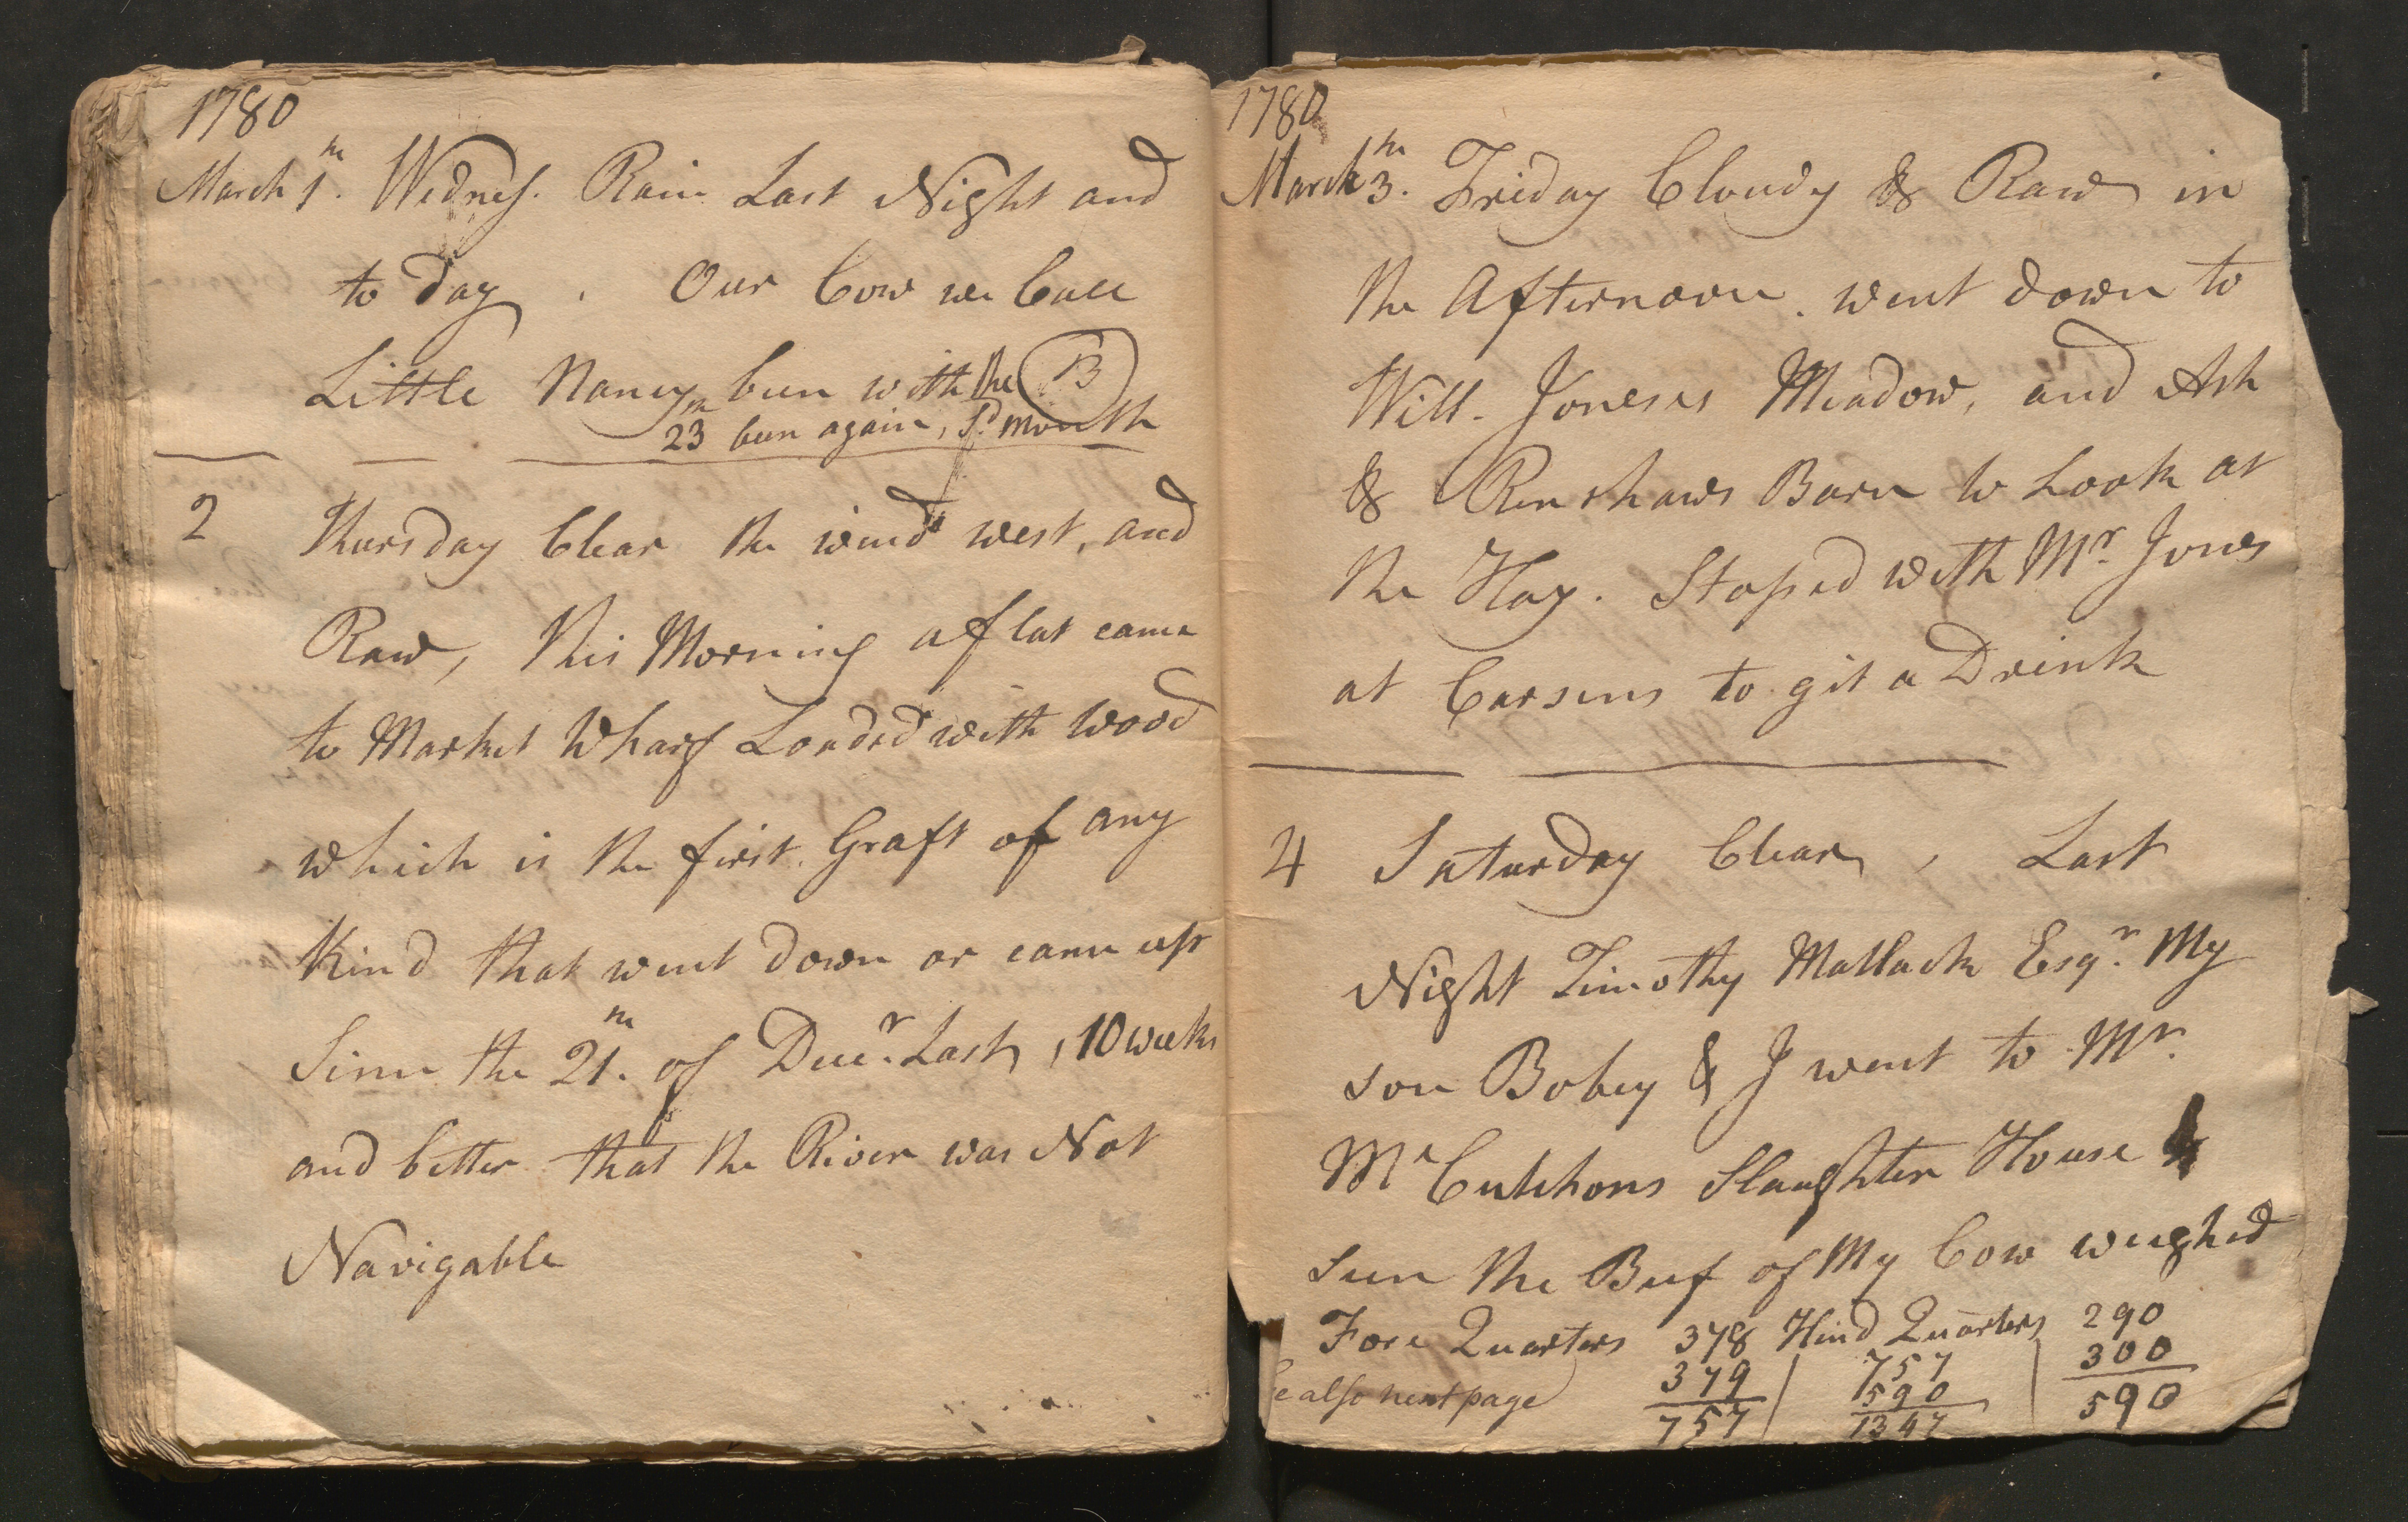1780
March 1^th. Wednes. Rain Last Night and
to day. Our Cow we Call
Little Nancy been with the
23 been again, S^d. Month
2 Thursday Clear the wind west, and
Raw, This Morning a flat came
to Market Wharf Loaded with Wood
which is the first Graft of any
kind that went down or came up
Since the 21^th. of Dece^r. Last 10 weeks
and better that the River was Not
Navigable
1780
March 3d. Friday Cloudy & Raw in
The Afternoon went down to
Will. Joneses Meadow, and Ash
& Renshaws Barn to Look at
the Hay. Stoped with M^r. Jones
at Carsens to git a Drink
4 Saturday Clear, Last
Night Timothy Mallack Esq^r. My
sou Bobey & I went to M^r.
M^cCutchons Slaughter House
sun the Beef of My Cow weighed
Fore Quarters 378 Hind Quarters
e also next page
379
787
757
1520
1347
290
300
590